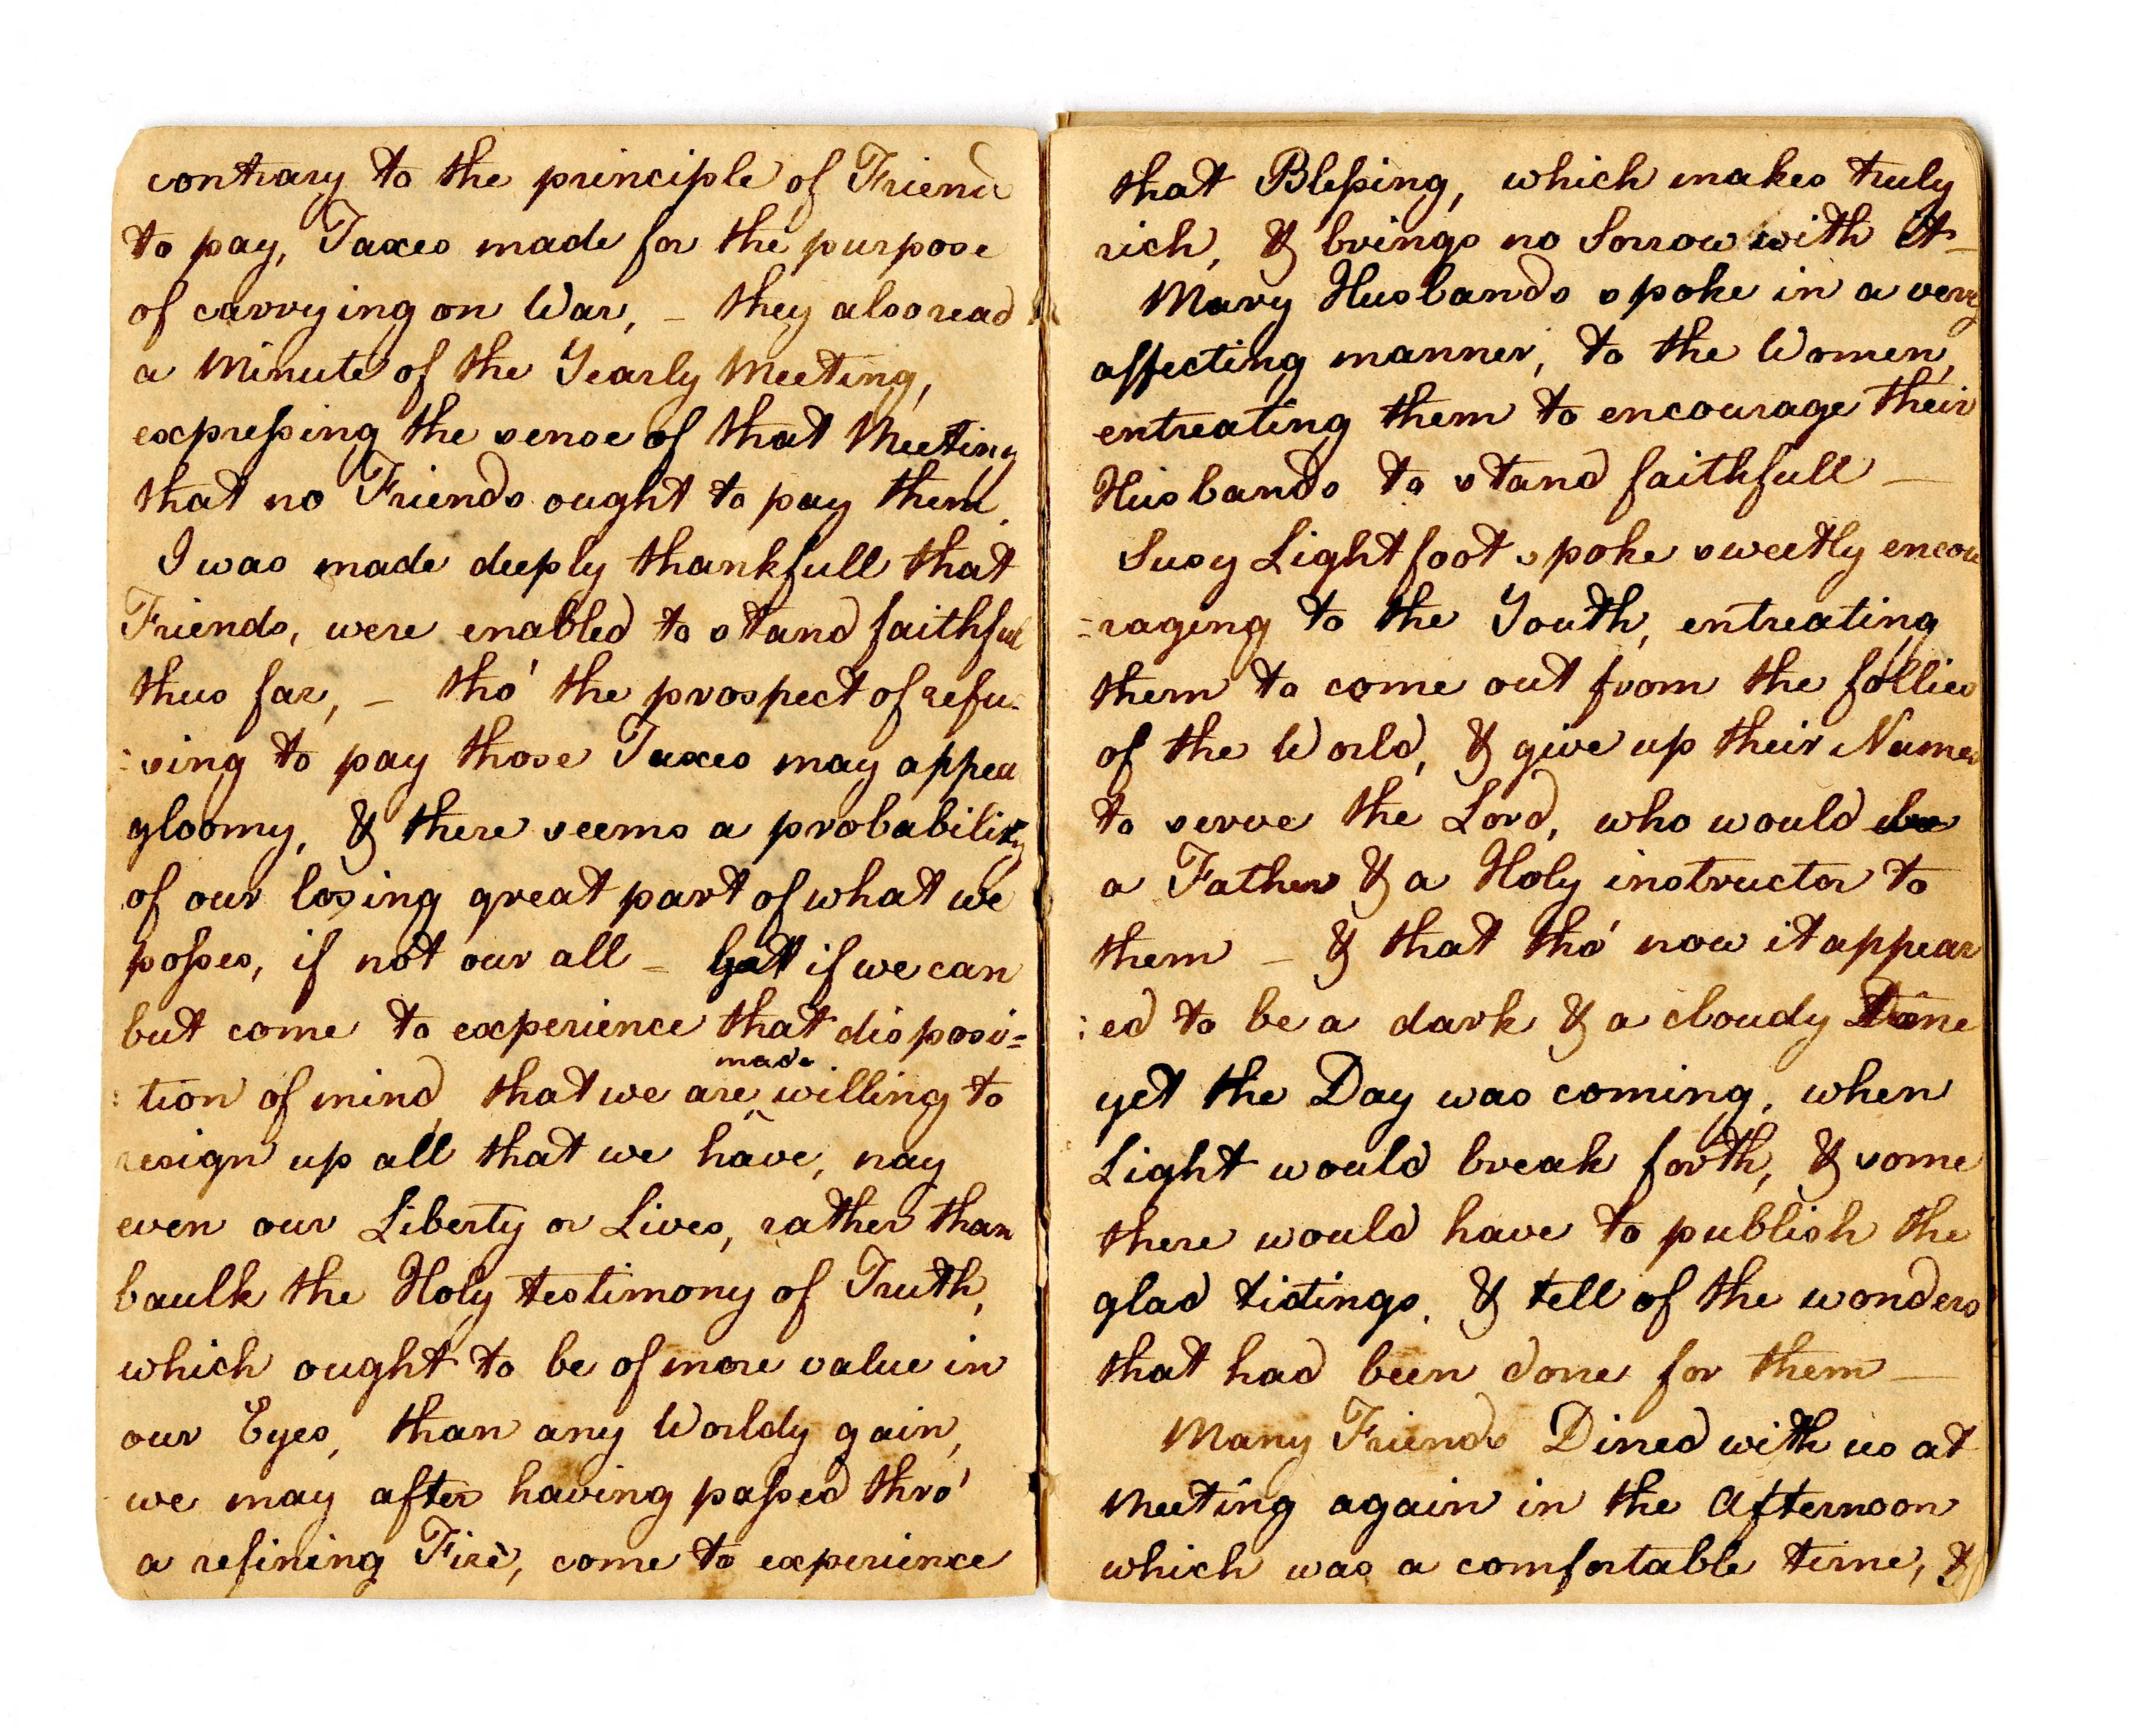contrary to the principle of Friend
to pay, Taxes made for the purpose
of carrying on War,- they absoread &
a Minute of the Yearly Meeting,
expressing the sense of that Meeting
that no Friends ought to pay them.
I was made deeply thankfull that
Friends, were enabled to stand faithful
thus far- tho' the prospect of refu-
-sing to pay those Taxes may appea
gloomy, & there seems a probability
of our losing great part of what we
posses, if not our all- [yet] if we can
but come to experience that disposi-
-tion of mind that we are ^ willing to
resign up all that we have, nay
even our Liberty or Lives, rather than
baulk the Holy testimony of Truth,
which ought to be of more value in
our Eyes, than any Worldy gain,
we may after having passed thro'
a refining Fire, come to experience
made.
that Blessing, which makes truly
rich, & brings no Sorrow with it -
Mary Husbands spoke in a very
affecting manner, to the Women
entreating them to encourage their
Husbands to stand faithfull-
Susy Lightfoot spoke sweetly encou
-raging to the Youth, entreating
them to come out from the follies
of the World, & give up their Name
to serve the Lord, who would [be]
a Father & a Holy instructor to
them- & that tho' now it appear
-ed to be a dark & a cloudy [Dine]
yet the Day was coming, when
Light would break forth, & some
there would have to publish the
glad tidings, & tell of the wonders
that had been done for them-
Many Friends Dined with us at
Meeting again in the Afternoon
which was a comfortable time, &